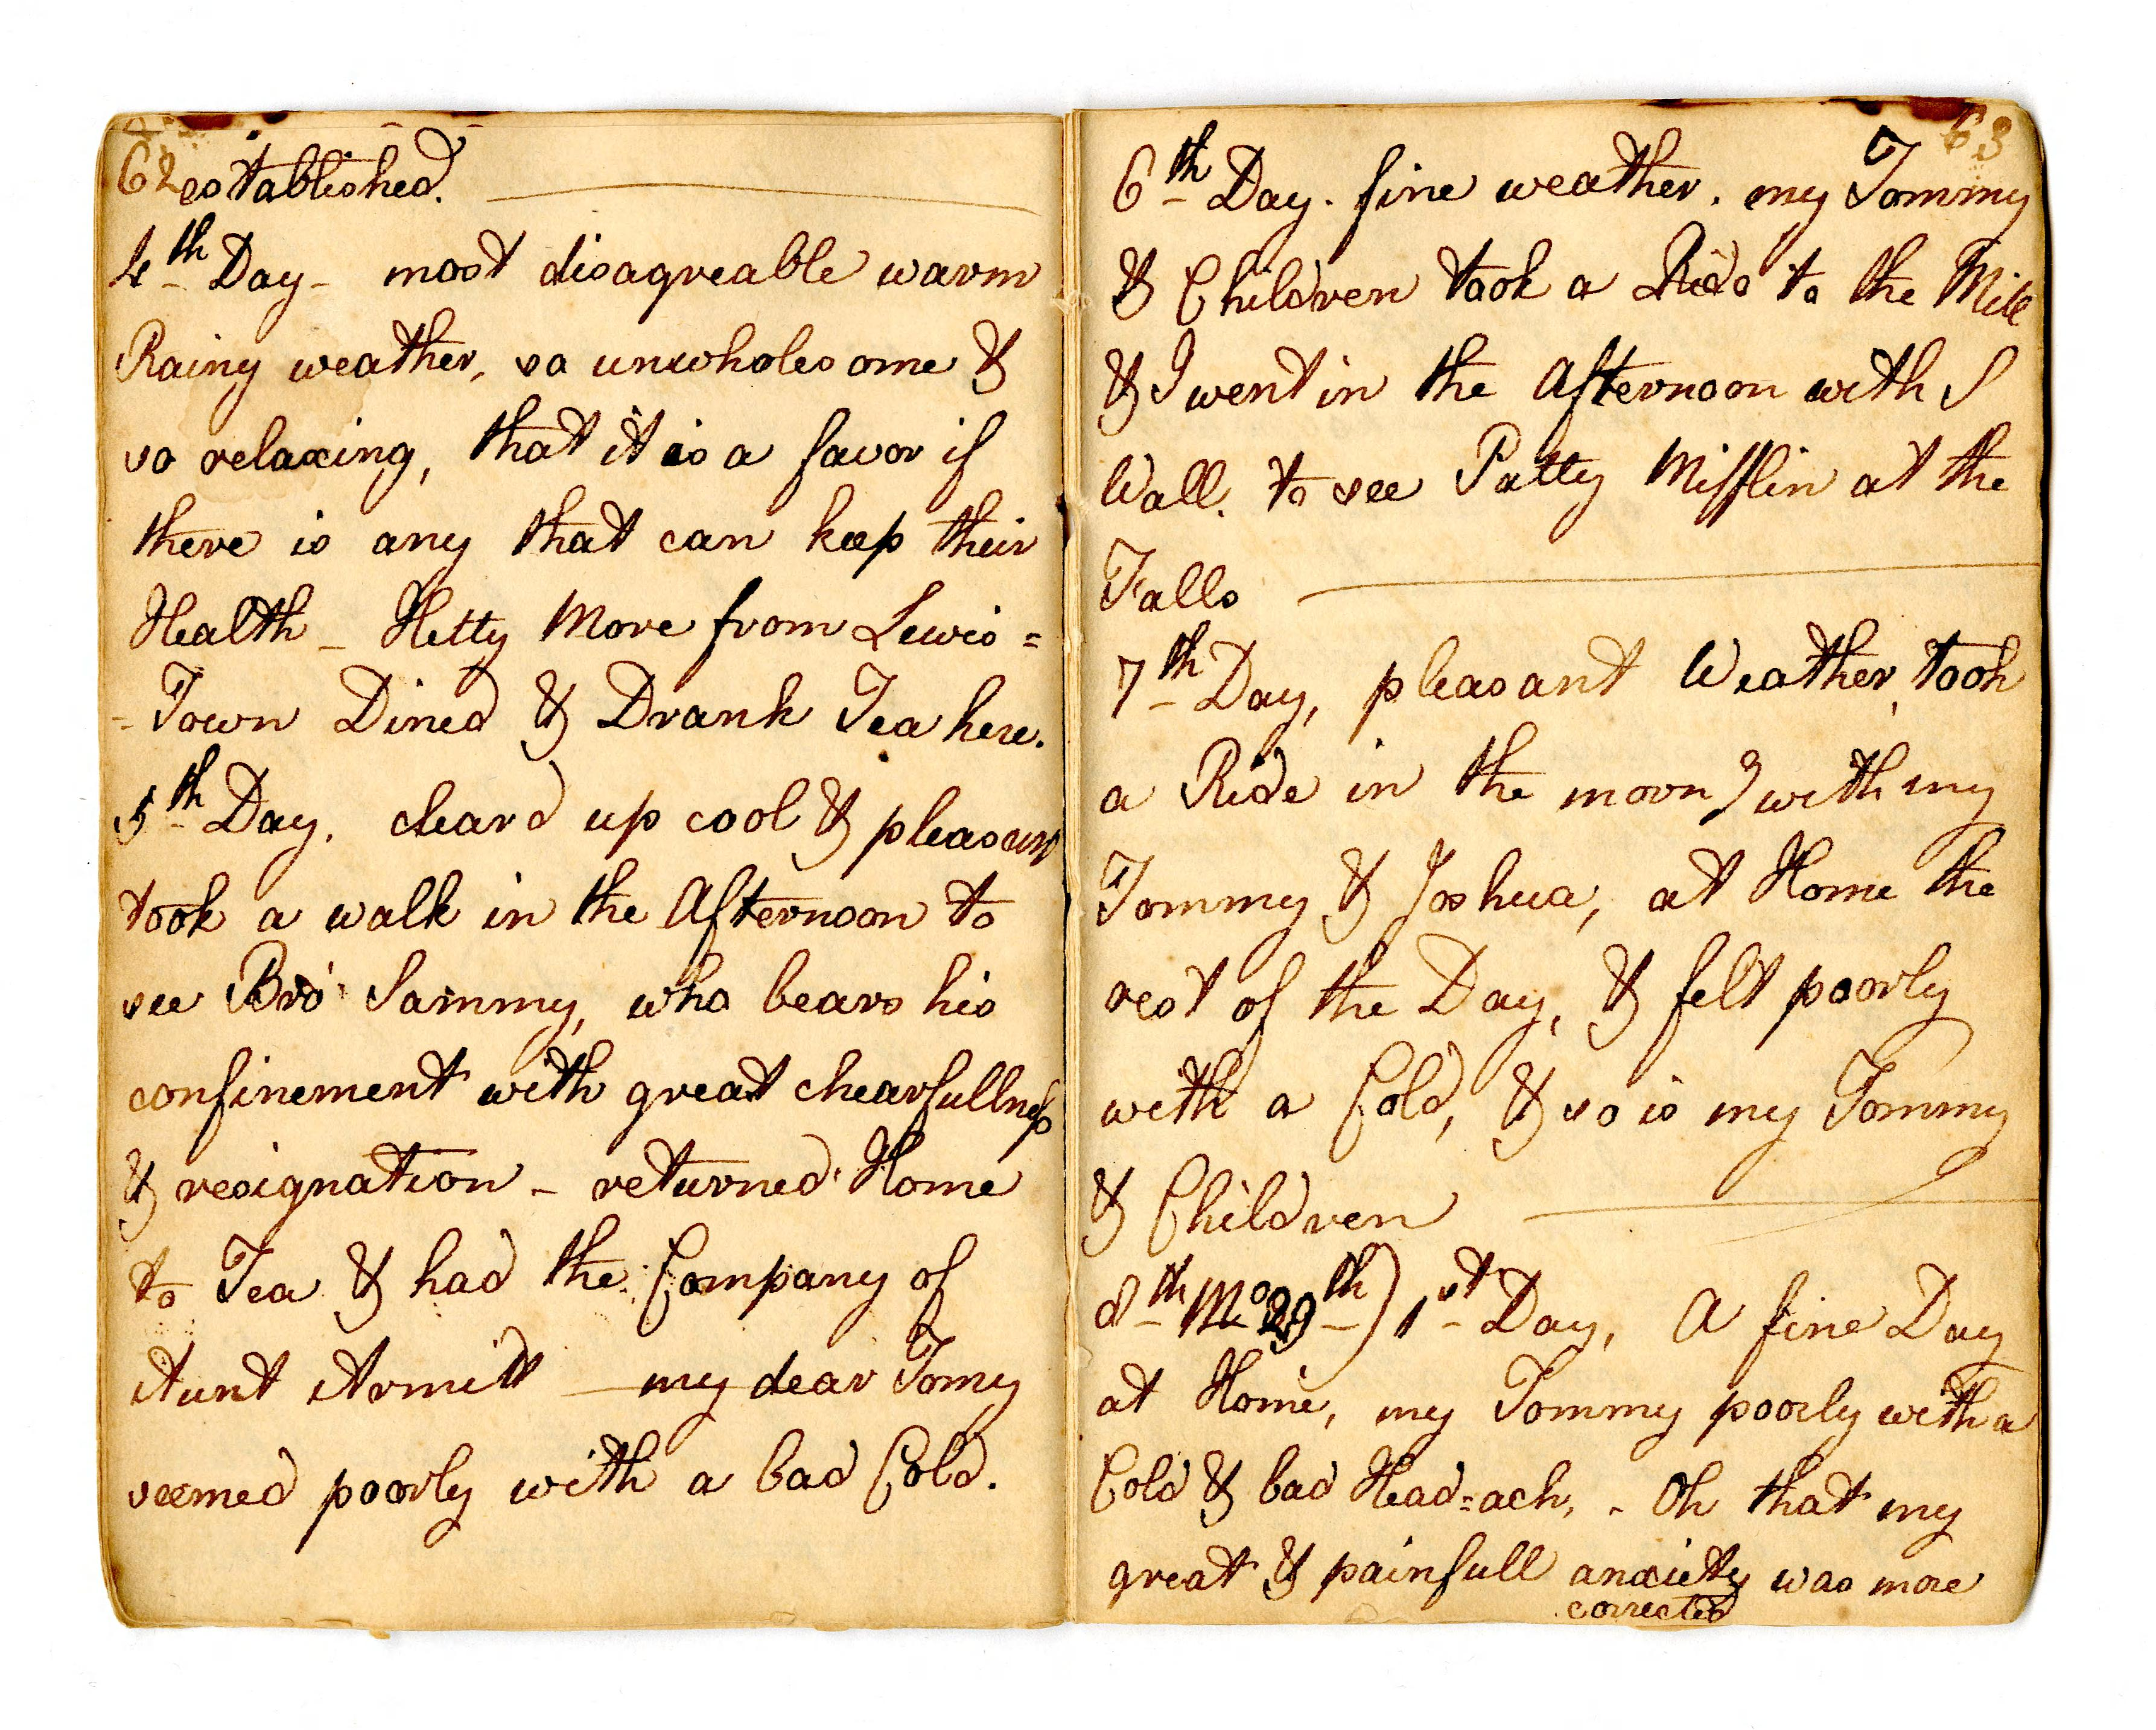62 established.
4^th Day- most disagreable warm
Rainy weather, so unwholesome &
so relaxing, that it is a favor if
there is any that can keep their
Health- Hetty More from Lewis-
-Town Dined & Drank Tea here.
5^th Day, cleard up cool & pleasan
took a walk in the Afternoon to
see Bro' Sammy, who bears his
confinement with great chearfullness
& resignation- returned Home
to Tea & had the Company of
Aunt Armitt my dear Tomy
seemed poorly with a bad Cold.
63
6^th Day. fine weather, my Tommy
& Children took a Ride to the Mill
& I went in the Afternoon with S
Wall. to see Patty Mifflin at the
Falls
7^th Day, pleasant Weather, took
a Ride in the morn^g with my
Tommy & Joshua, at Home the
rest of the Day, & felt poorly
with a Cold, & so is my Tommy
& Children
8^th M^o 29^th) 1^st Day, A fine Day
at Home, my Tommy poorly with a
Cold & bad Head-ach, Oh that my
great & painfull anxiety was more
corrected